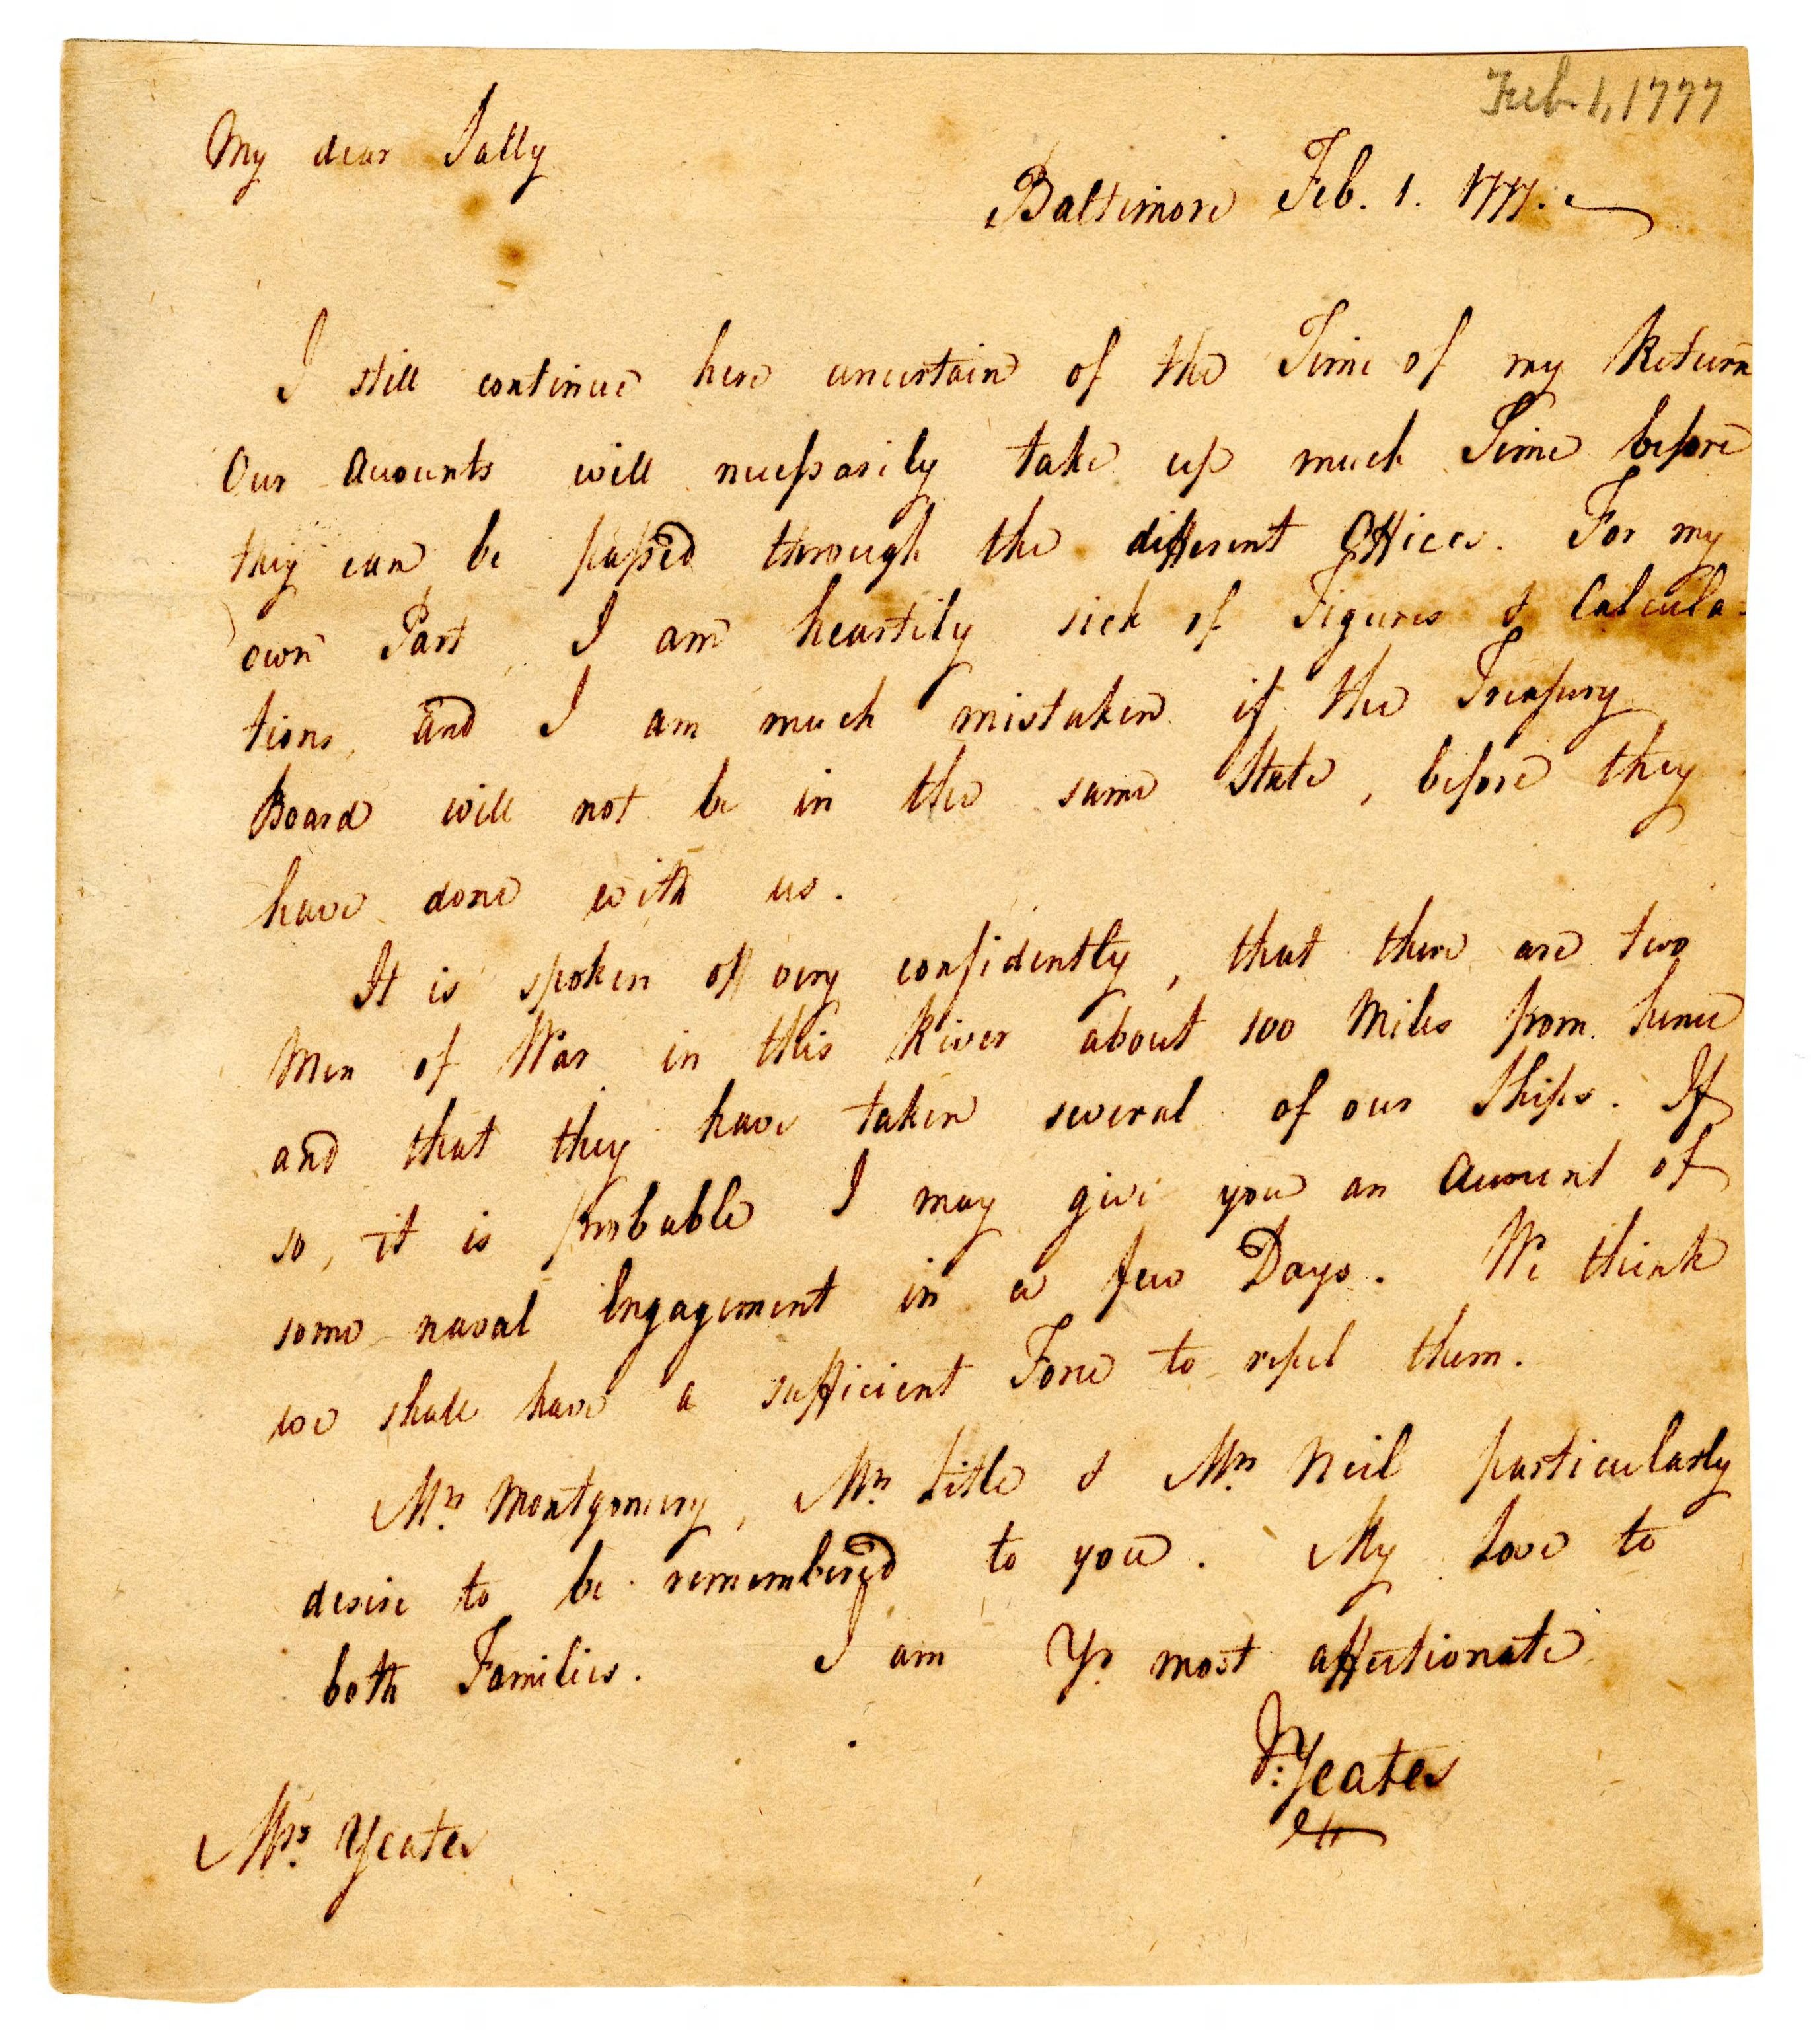Baltimore Feb. 1. 1777.
My dear Sally
I still continue here uncertain of the Time of my Return
Our Accounts will necessarily take up much Time before
they can be passed through the different Offices. For my
own Part I am heartily sick of Figures & Calcula-
tions and I am much mistaken if the Treasury
Board will not be in the same State, before they
have done with us.
It is spoken of very confidently, that there are two
Men of War in this River about 100 Miles from hence
and that they have taken several of our Ships. If
so, it is probable I may give you an Account of
some naval Engagement in a few Days. We think
we shall have a sufficient Force to repel them.
M^r. Montgomery, M^r. Litle & M^r Neil particularly
desire to be remembered to you. My Love to
both Families.
I am Y^r most affectionate
J: Yeates
M^rs. Yeates